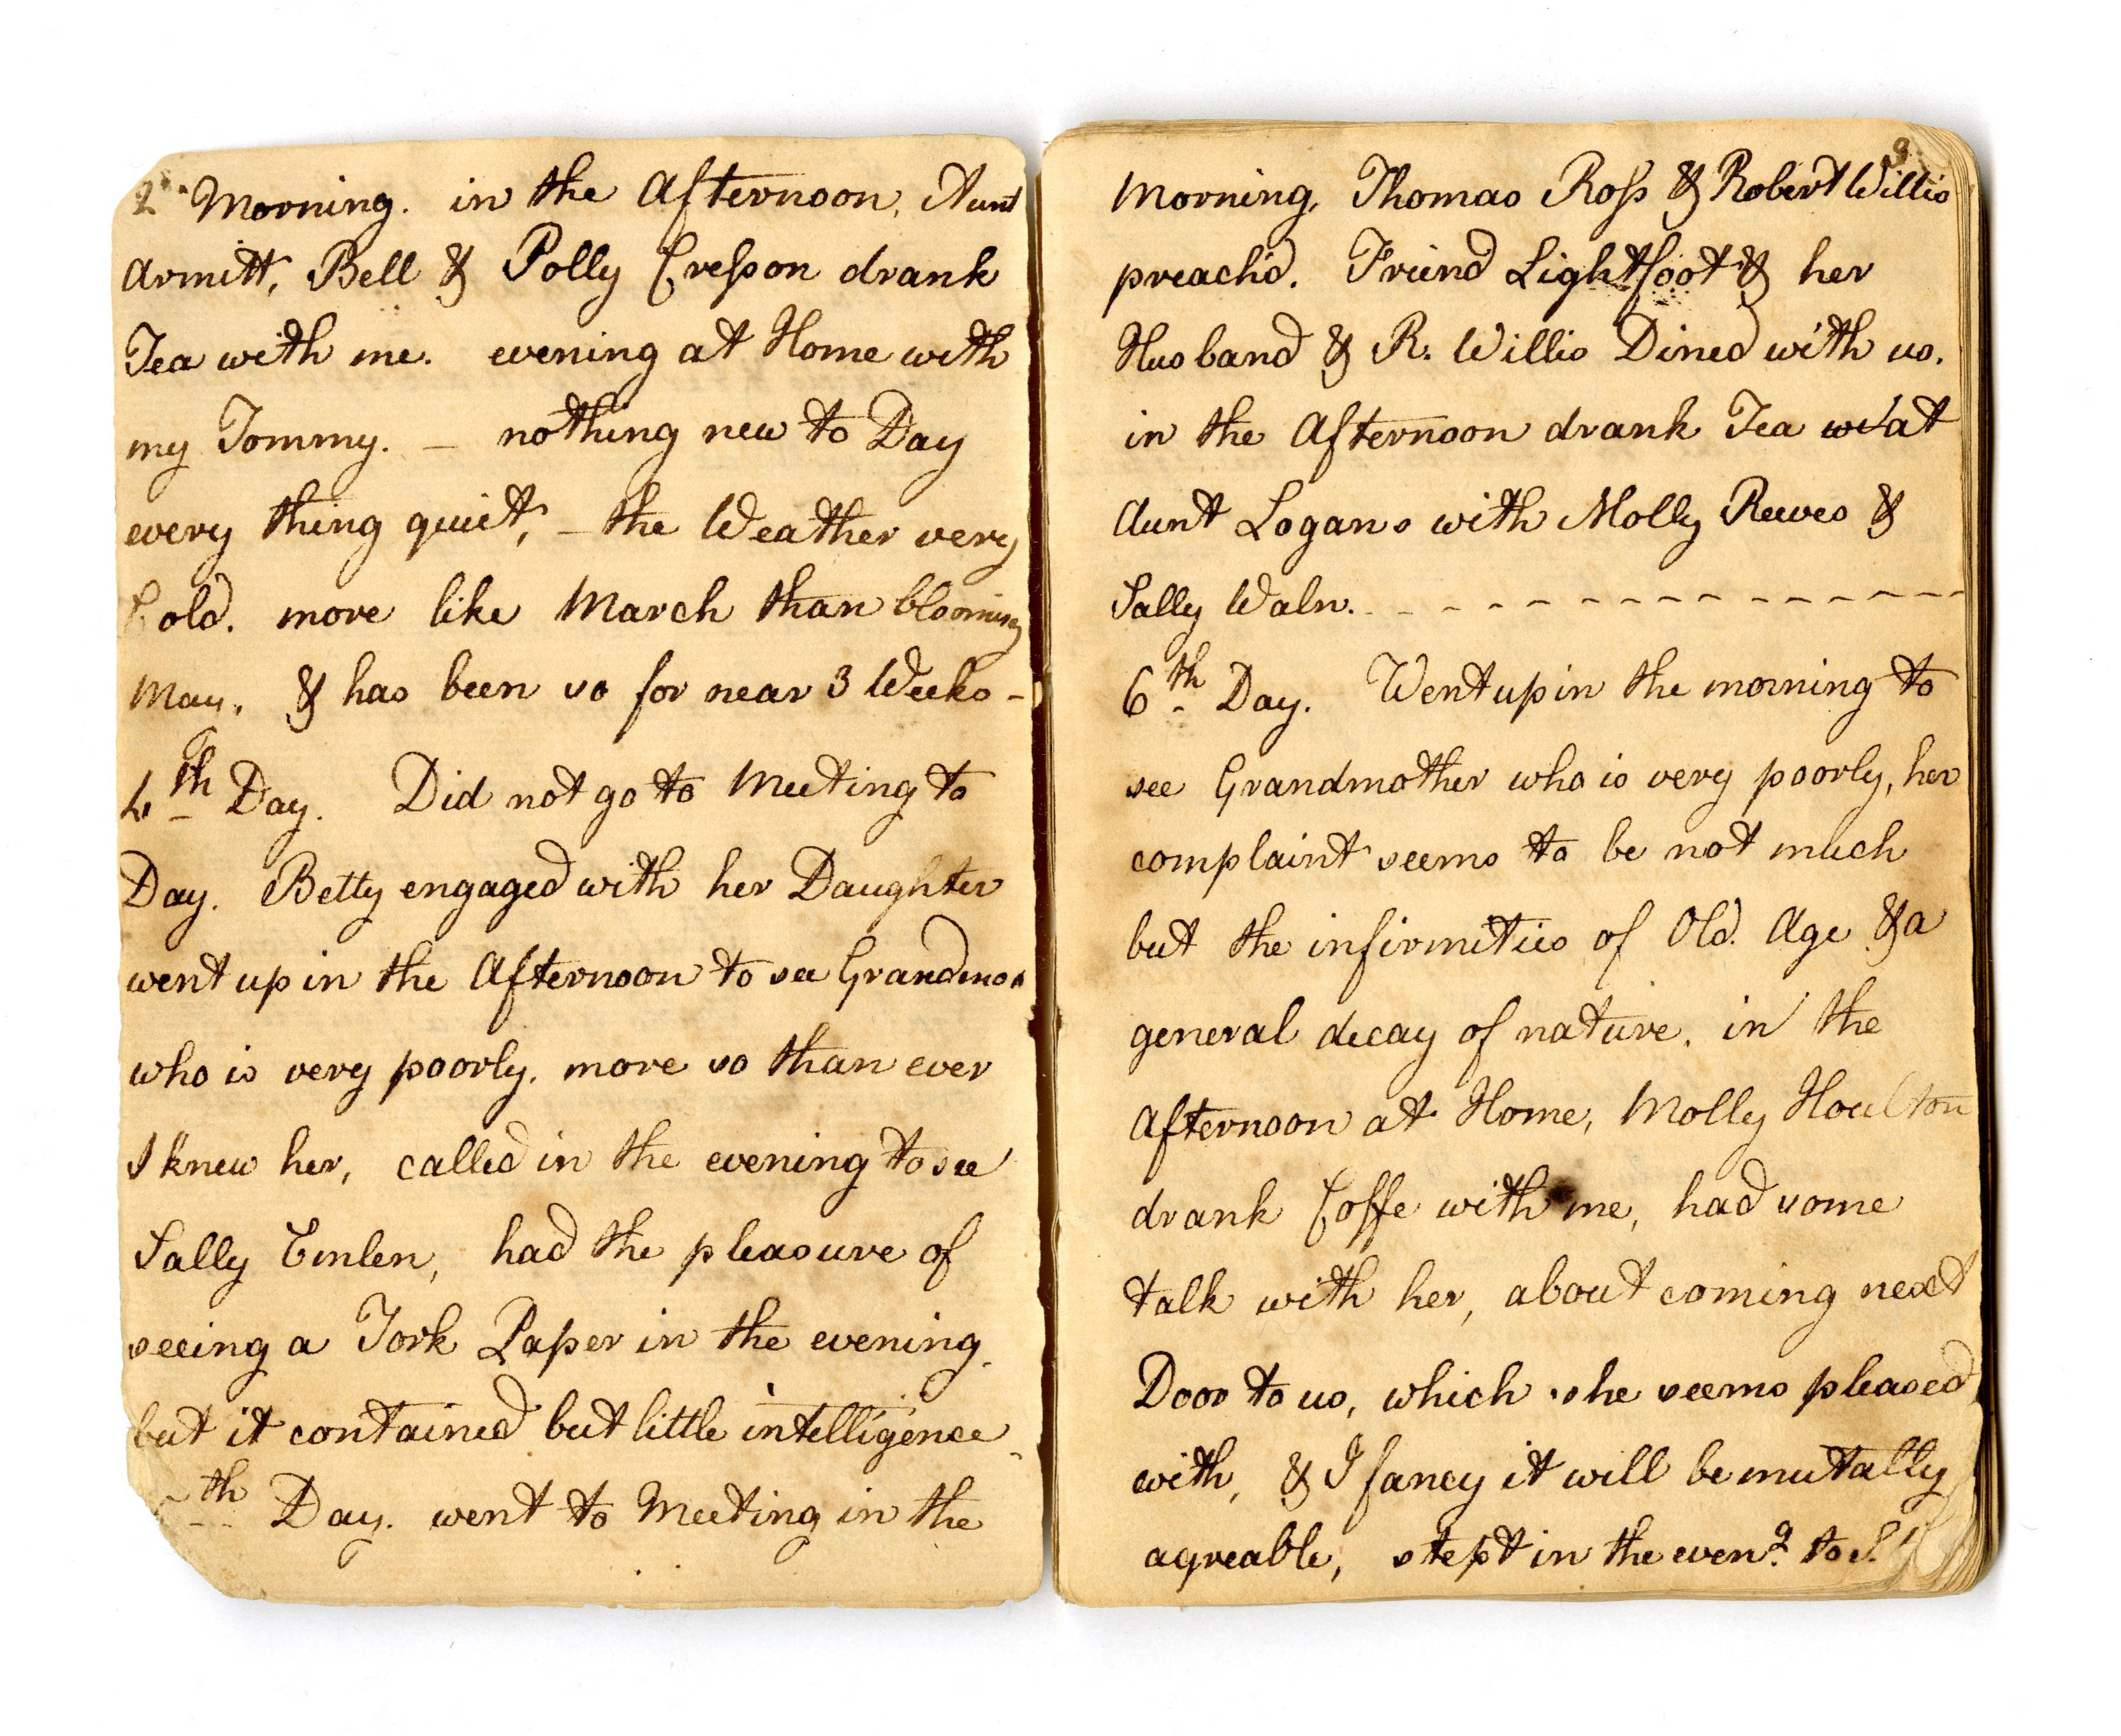Morning. in the Afternoon, Aunt
Armitt, Bell & Polly Cresson drank
Tea with me. evening at Home with
my Tommy.- nothing new to Day
every thing quiet,- the Weather very
Cold. more like March than blooming
May. & has been so for near 3 Weeks-
4^th Day. Did not go to Meeting to
Day. Betty engaged with her Daughter
went up in the Afternoon to see Grandmom
who is very poorly. more so than ever
I knew her, called in the evening to see
Sally Emlen, had the pleasure of
seeing a York Paper in the evening.
but it contained but little intelligence
5^th Day. went to Meeting in the
3
Morning, Thomas Ross & Robert Willis
preach'd. Friend Lightfoot & her
Husband & R. Willis Dined with us.
in the Afternoon drank Tea [w] at
Aunt Logans with Molly Reeves &
Sally Waln.-
6^th. Day. Went up in the morning to
see Grandmother who is very poorly, her
complaint seems to be not much
but the infirmities of Old Age & a
general decay of nature. in the
Afternoon at Home, Molly Houlton
drank Coffe with me, had some
talk with her, about coming next
Door to us, which she seems pleased
with, & I fancy it will be mutally
agreable, stept in the even^g. to S. [_]